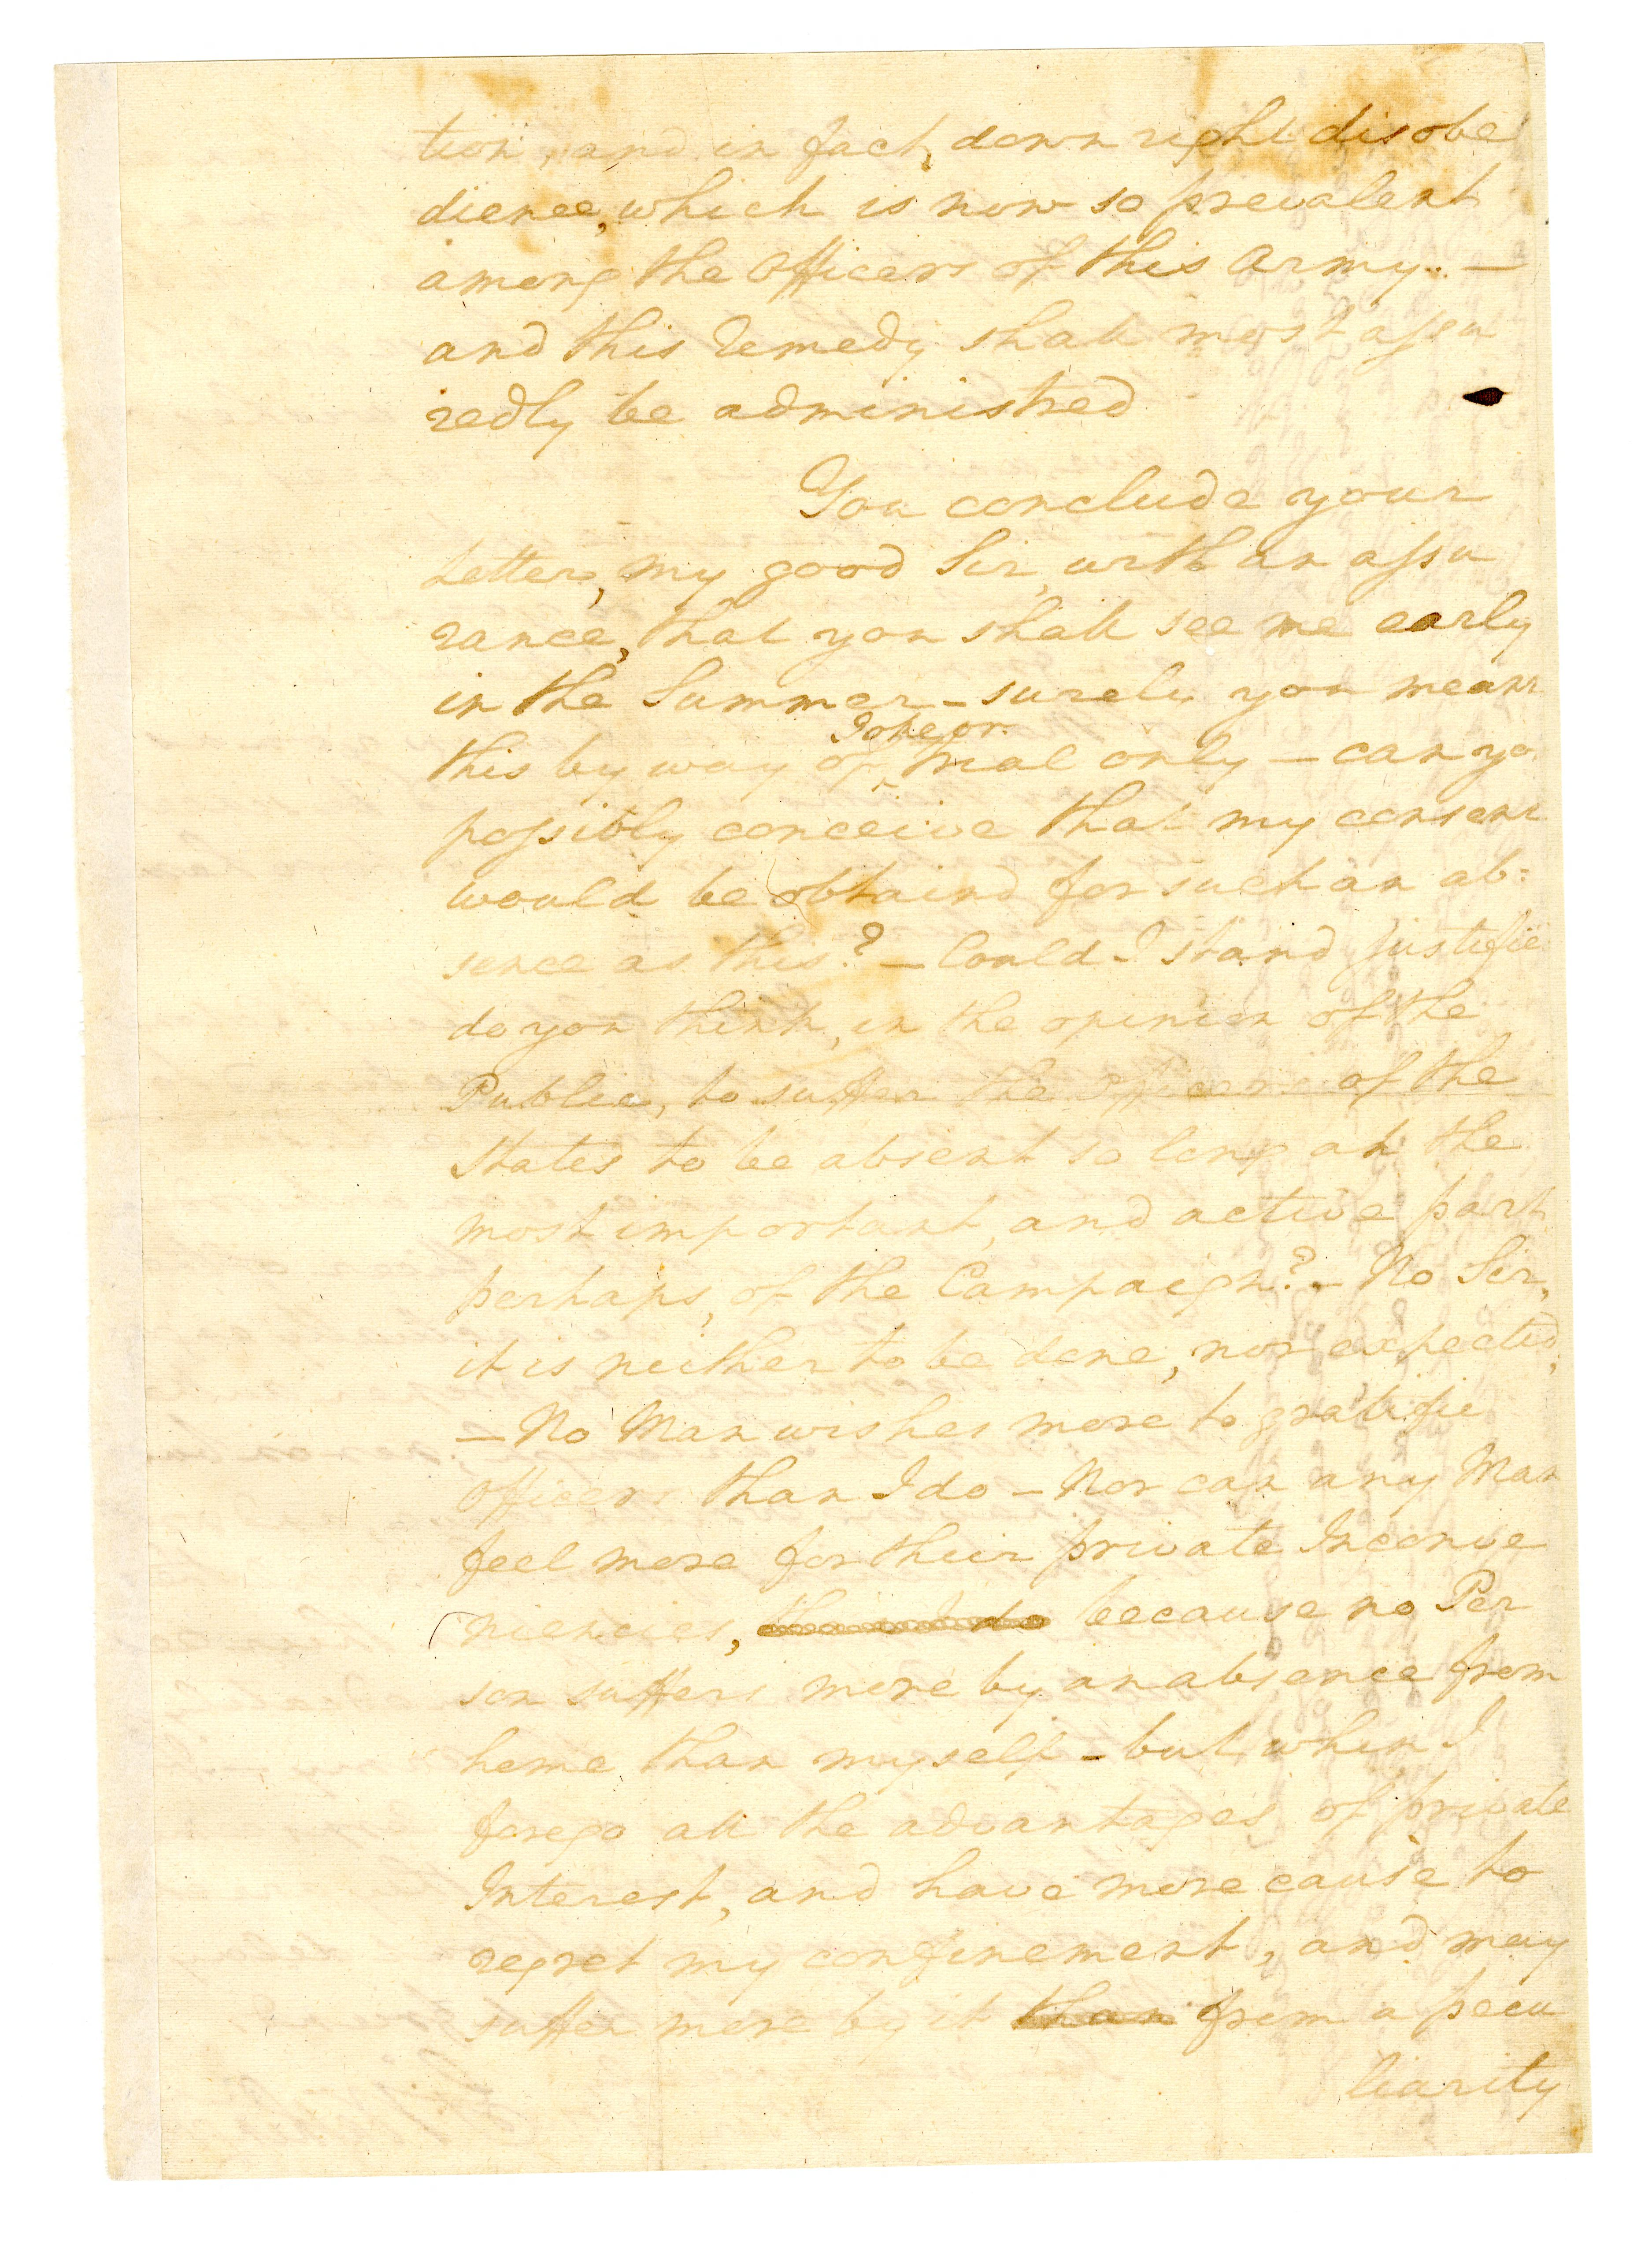tion, and in fact down right disobe
dience which is now so prevalent
among the officers of this army.-
and this remedy shall most assu
redly be administred
You conclude your
Letter, my good Sir, with an assu
rance, that you shall see me early
in the Summer- surely you mean
Joke or
this by way of ^ trial only- can you
possibly conceive that my consent
would be obtained for such an ab-
sence as this?- Could I stand justifie
do you think, in the opinion of the
Public, to suffer the officers of the
States to be absent so long at the
most important and active part
perhaps, of the Campaign?- No Sir,
it is neither to be done, nor expected.
-No Man wishes more to satisfie
Officers than I do- Nor can any Man
feel more for their private Inconve
niencies, [_______] because no Per
son suffers more by an absence from
home than myself- but when I
forego all the advantages of private
Interest, and have more cause to
regret my confinement, and may
suffer more by it [____] from a pecu
liarity